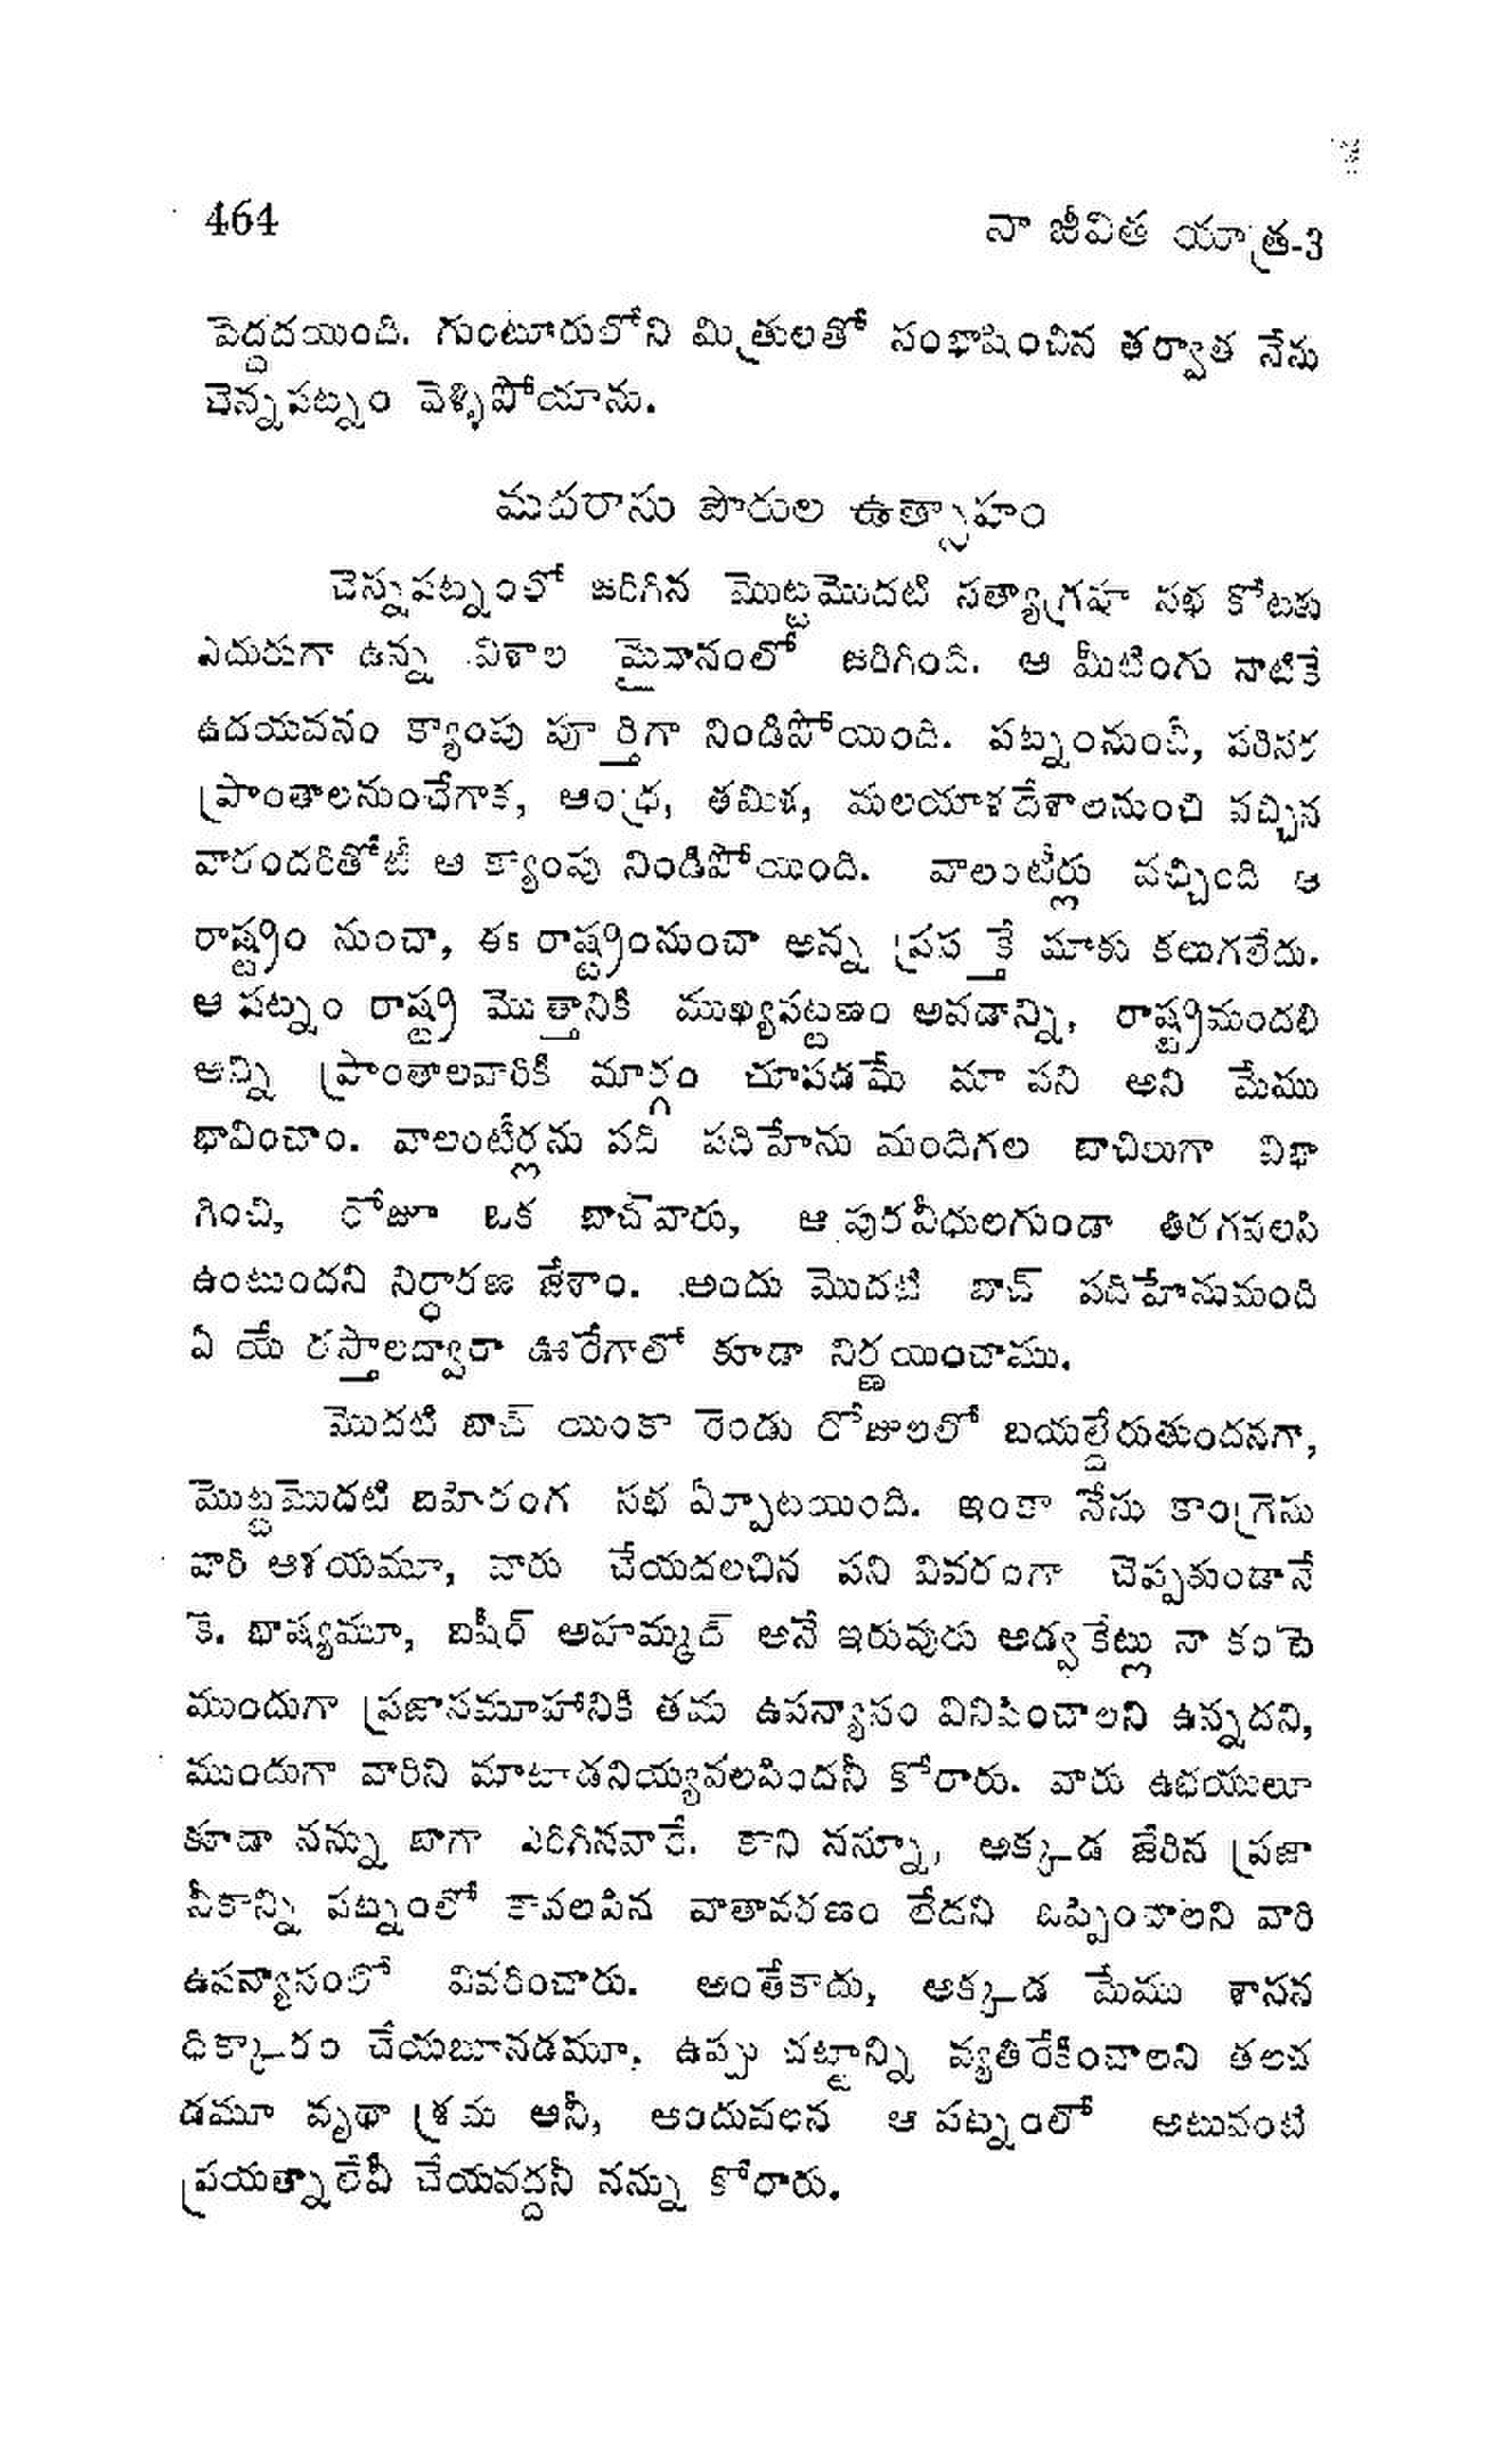పెద్దదయింది. గుంటూరులోని మిత్రులతో సంభాషించిన తర్వాత నేను చెన్నపట్నం వెళ్ళిపోయాను.

చెన్నపట్నంలో జరిగిన మొట్టమొదటి సత్యాగ్రహ సభ కోటకు ఎదురుగా ఉన్న విశాల మైదానంలో జరిగింది. ఆ మీటింగు నాటికే ఉదయవనం క్యాంపు పూర్తిగా నిండిపోయింది. పట్నంనుంచీ, పరిసర ప్రాంతాలనుంచేగాక, ఆంధ్ర, తమిళ, మలయాళదేశాలనుంచి వచ్చిన వారందరితోటీ ఆ క్యాంపు నిండిపోయింది. వాలంటీర్లు వచ్చింది ఆ రాష్ట్రం నుంచా, ఈ రాష్ట్రనుంచా అన్న ప్రసక్తే మాకు కలుగలేదు. ఆ పట్నం రాష్ట్ర మొత్తానికి ముఖ్యపట్టణం అవడాన్ని, రాష్ట్రమందలి అన్ని ప్రాంతాలవారికి మార్గం చూపడమే మా పని అని మేము భావించాం. వాలంటీర్లను పది పదిహేను మందిగల బాచిలుగా విభాగించి, రోజూ ఒక బాచీవారు, ఆ పురవీధులగుండా తిరగవలసి ఉంటుందని నిర్ధారణ జేశాం. అందు మొదటి బాచ్ పదిహేనుమంది ఏ యే రస్తాలద్వారా ఊరేగాలో కూడా నిర్ణయించాము.

మొదటి బాచ్ యింకా రెండు రోజులలో బయల్దేరుతుందనగా, మొట్టమొదటి బహిరంగ సభ ఏర్పాటయింది. ఇంకా నేను కాంగ్రెసు వారి ఆశయమూ, వారు చేయదలచిన పని వివరంగా చెప్పకుండానే కె. భాష్యమూ, బషీర్ అహమ్మద్ అనే ఇరువురు అడ్వకేట్లు నా కంటె ముందుగా ప్రజాసమూహానికి తమ ఉపన్యాసం వినిపించాలని ఉన్నదని, ముందుగా వారిని మాటాడనియ్యవలసిందనీ కోరారు. వారు ఉభయులూ కూడా నన్ను బాగా ఎరిగినవారే. కాని నన్నూ, అక్కడ జేరిన ప్రజానీకాన్ని పట్నంలో కావలసిన వాతావరణం లేదని ఒప్పించాలని వారి ఉపన్యాసంలో వివరించారు. అంతేకాదు, అక్కడ మేము శాసన ధిక్కారం చేయబూనడమూ, ఉప్పు చట్టాన్ని వ్యతిరేకించాలని తలచడమూ వృథా శ్రమ అనీ, అందువలన ఆ పట్నంలో అటువంటి ప్రయాత్నాలేవీ చేయవద్దనీ నన్ను కోరారు.